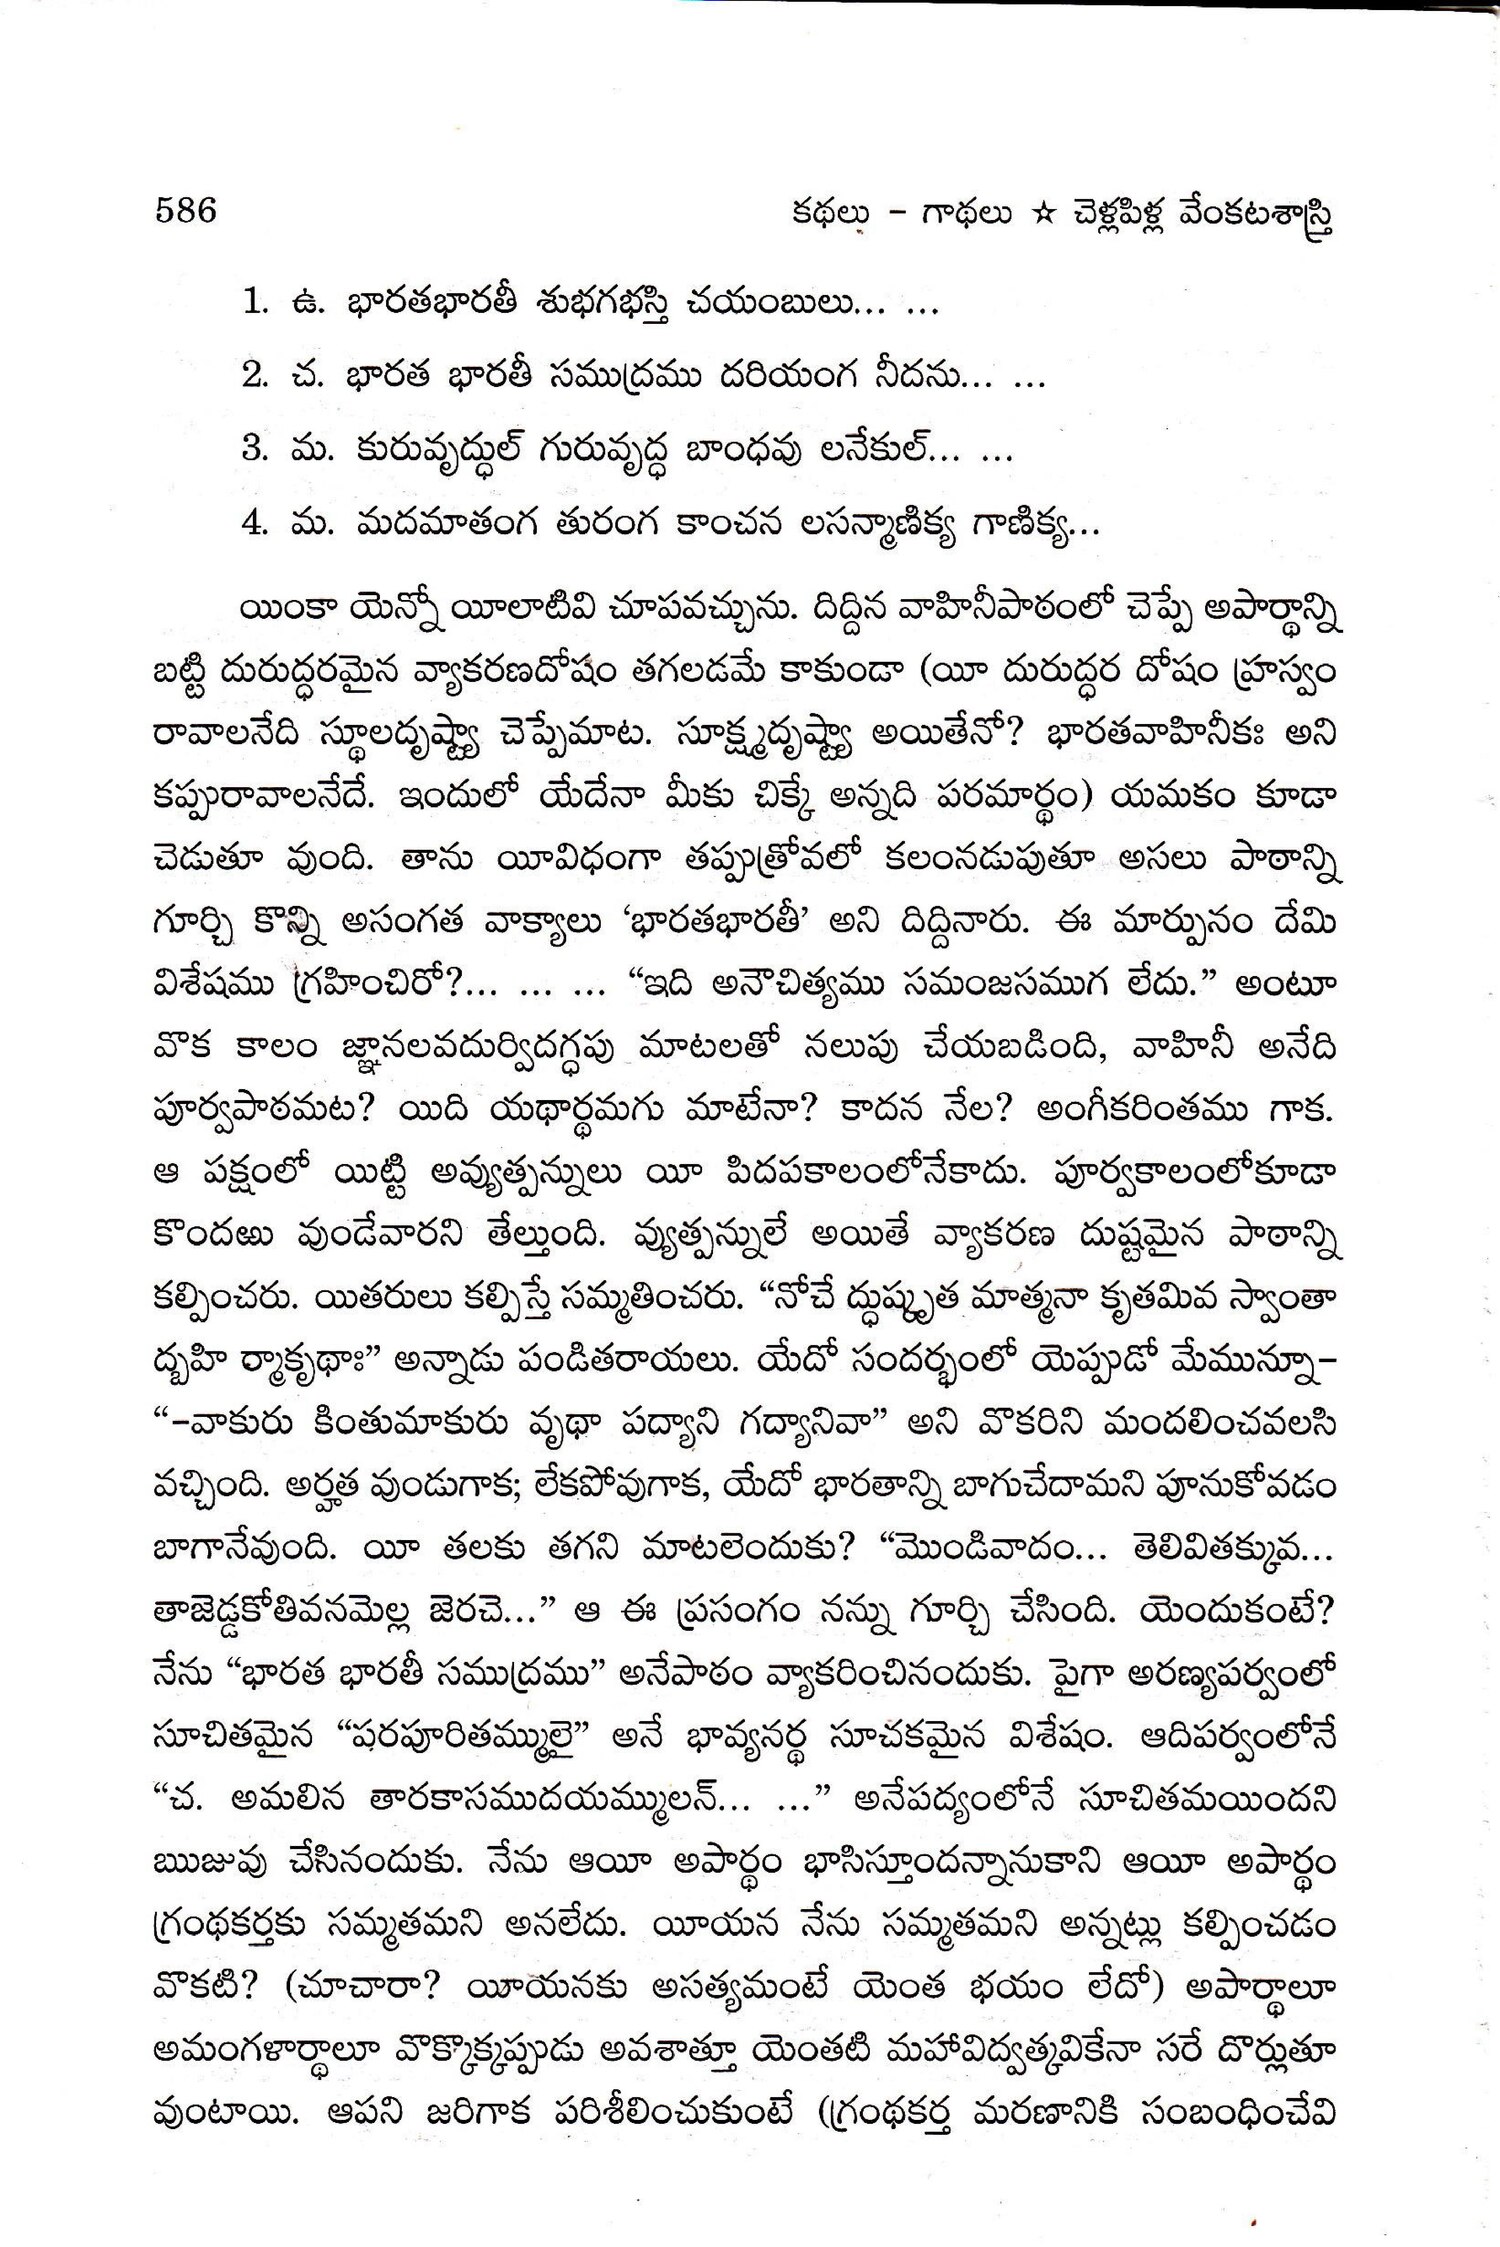1. ఉ. భారతభారతీ శుభగభస్తి చయంబులు... ... 

2. చ. భారత భారతీ సముద్రము దరియంగ నీదను... ...

3. మ. కురువృద్దుల్ గురువృద్ధ బాంధవు లనేకుల్... ... 

4. మ. మదమాతంగ తురంగ కాంచన లసన్మాణిక్య గాణిక్య.

యింకా యెన్నోయీలాటివి చూపవచ్చును. దిద్దిన వాహినీపాఠంలో చెప్పే అపార్ధాన్ని బట్టి దురుద్ధరమైన వ్యాకరణదోషం తగలడమే కాకుండా (యీ దురుద్ధర దోషం హ్రస్వం రావాలనేది స్థూలదృష్ట్యా చెప్పేమాట. సూక్ష్మదృష్ట్యా అయితేనో? భారతవాహినీకః అని కప్పురావాలనేదే. ఇందులో యేదేనా మీకు చిక్కే అన్నది పరమార్థం) యమకం కూడా చెడుతూ వుంది. తాను యీవిధంగా తప్పుత్రోవలో కలంనడుపుతూ అసలు పాఠాన్ని గూర్చి కొన్ని అసంగత వాక్యాలు 'భారతభారతీ' అని దిద్దినారు. ఈ మార్పునం దేమి విశేషము గ్రహించిరో?... ... ... “ఇది అనౌచిత్యము సమంజసముగ లేదు." అంటూ వొక కాలం జ్ఞానలవదుర్విదగ్ధపు మాటలతో నలుపు చేయబడింది, వాహినీ అనేది పూర్వపాఠమట? యిది యథార్థమగు మాటేనా? కాదన నేల? అంగీకరింతము గాక. ఆ పక్షంలో యిట్టి అవ్యుత్పన్నులు యీ పిదపకాలంలోనేకాదు. పూర్వకాలంలోకూడా కొందఱు వుండేవారని తేల్తుంది. వ్యుత్పన్నులే అయితే వ్యాకరణ దుష్టమైన పాఠాన్ని కల్పించరు. యితరులు కల్పిస్తే సమ్మతించరు. "నోచే దుష్కృత మాత్మనా కృతమివ స్వాంతా ద్బహి ర్మాకృథాః" అన్నాడు పండితరాయలు. యేదో సందర్భంలో యెప్పుడో మేమున్నూ “-వాకురు కింతుమాకురు వృథా పద్యాని గద్యానివా" అని వొకరిని మందలించవలసి వచ్చింది. అర్హత వుండుగాక; లేకపోవుగాక, యేదో భారతాన్ని బాగుచేదామని పూనుకోవడం బాగానేవుంది. యీ తలకు తగని మాటలెందుకు? “మొండివాదం... తెలివితక్కువ. తాజెడ్డకోతివనమెల్ల జెరచె." ఆ ఈ ప్రసంగం నన్ను గూర్చి చేసింది. యెందుకంటే? నేను "భారత భారతీ సముద్రము" అనేపాఠం వ్యాకరించినందుకు. పైగా అరణ్యపర్వంలో సూచితమైన "పరపూరితమ్ములై" అనే భావ్యనర్థ సూచకమైన విశేషం. ఆదిపర్వంలోనే “చ. అమలిన తారకాసముదయమ్ములన్... ... " అనేపద్యంలోనే సూచితమయిందని ఋజువు చేసినందుకు. నేను ఆయి అపార్ధం భాసిస్తూందన్నానుకాని ఆయీ అపార్థం గ్రంథకర్తకు సమ్మతమని అనలేదు. యీయన నేను సమ్మతమని అన్నట్లు కల్పించడం వొకటి? (చూచారా? యీయనకు అసత్యమంటే యెంత భయం లేదో) అపార్థాలూ అమంగళార్థాలూ వొక్కొక్కప్పుడు అవశాత్తూ యెంతటి మహావిద్వత్కవికేనా సరే దొర్లుతూ వుంటాయి. ఆపని జరిగాక పరిశీలించుకుంటే (గ్రంథకర్త మరణానికి సంబంధించేవి